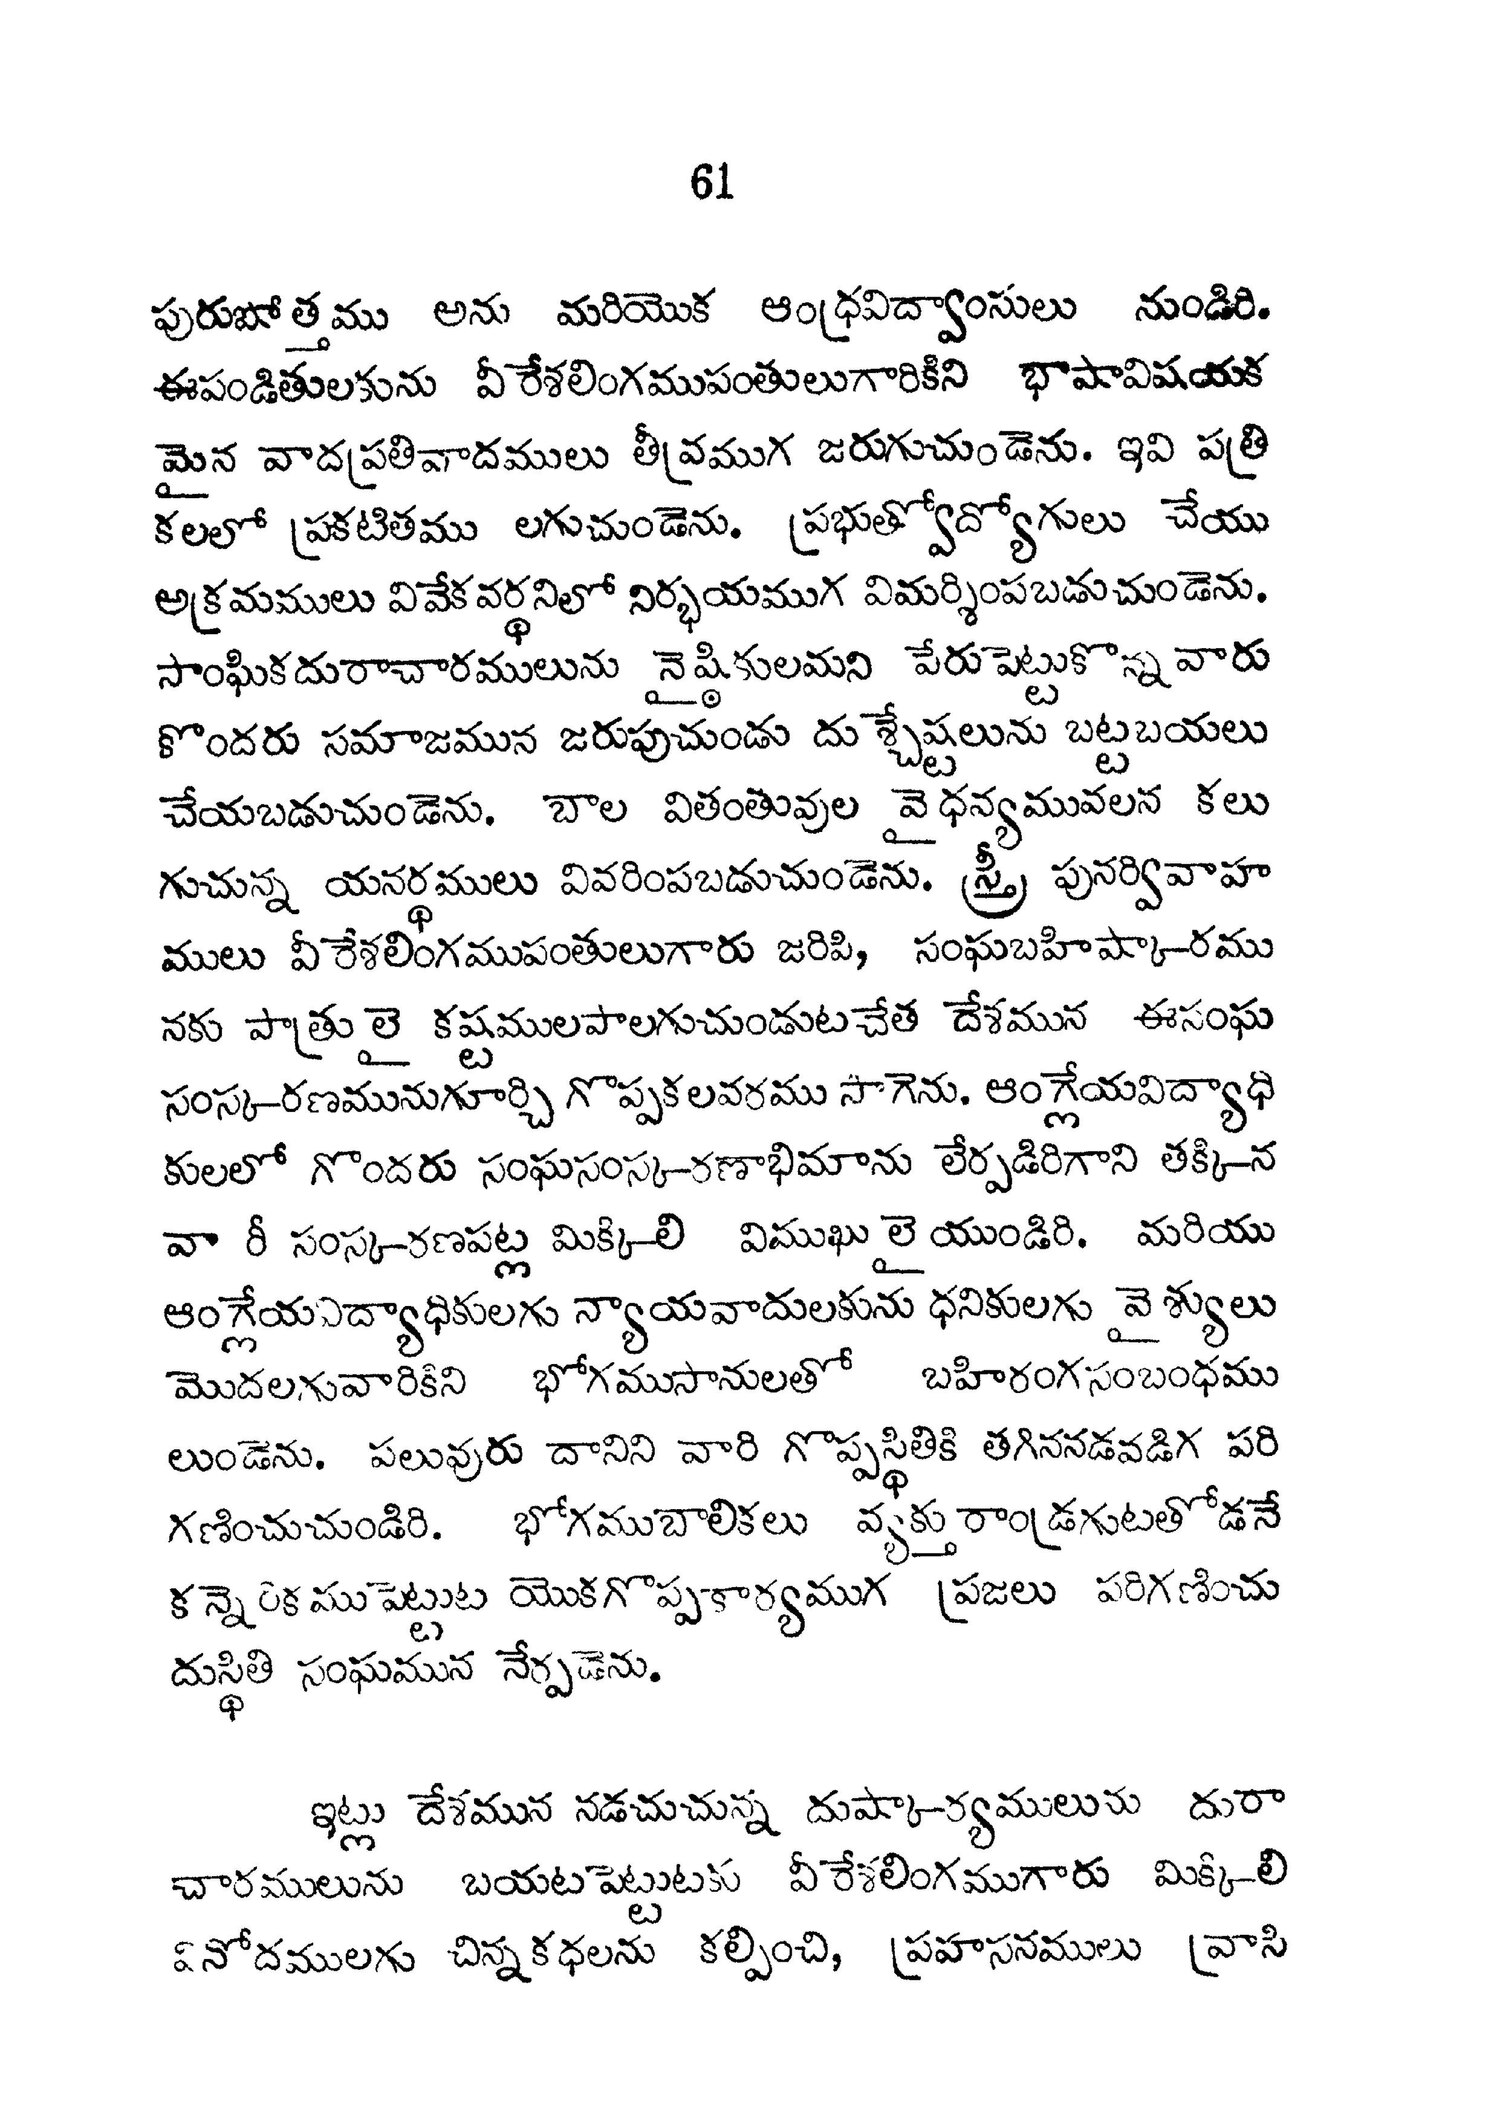పురషోత్తము అను మరియొక ఆంధ్రవిద్వాంసులు నుండిరి. ఈపండితులకును వీరేశలింగము పంతులుగారికిని భాషావిషయకమైన వాదప్రతివాదములు తీవ్రముగ జరుగుచుండెను. ఇవి పత్రికలలో ప్రకటితము లగుచుండెను. ప్రభుత్వోద్యోగులు చేయు అక్రమములు వివేకవర్థనిలో నిర్భయముగ విమర్శింపబడుచుండెను. సాంఘికదురాచారములును నైష్ఠికులమని పేరుపెట్టుకొన్నవారు కొందరు సమాజమున జరుపుచుండు దుశ్చేష్టలును బట్టబయిలు చేయబడుచుండెను. బాల వితంతువుల వైధన్యమువలన కలుగుచున్న యనర్థములు వివరింపబడుచుండెను. స్త్రీ పునర్వివాహములు వీరేశలింగముపంతులుగారు జరిపి, సంఘబహిష్కారమునకు పాత్రులై కష్టములపాలగుచుండుటచేత దేశమున ఈసంఘ సంస్కరణమునుగూర్చి గొప్పకలవరము సాగెను. ఆంగ్లేయవిద్యాధికులలో గొందరు సంఘసంస్కరణాభిమాను లేర్పడిరిగాని తక్కినవా రీ సంస్కరణపట్ల మిక్కిలి విముఖులైయుండిరి. మరియు ఆంగ్లేయవిద్యాధికులగు న్యాయవాదులకును ధనికులగు వైశ్యులు మొదలగువారికిని భోగముసానులతో బహిరంగసంబంధము లుండెను. పలువురు దానిని వారి గొప్పస్థితికి తగిననడవడిగ పరిగణించుచుండిరి. భోగముబాలికలు వ్యక్తురాండ్రగుటతోడనే కన్నెరికముపెట్టుట యొకగొప్పకార్యముగ ప్రజలు పరిగణించు దుస్థితి సంఘమున నేర్పడెను.

ఇట్లు దేశమున నడచుచున్న దుష్కార్యములును దురాచారములును బయటపెట్టుటకు వీరేశలింగముగారు మిక్కిలి వినోదములగు చిన్నకధలను కల్పించి, ప్రహసనములు వ్రాసి